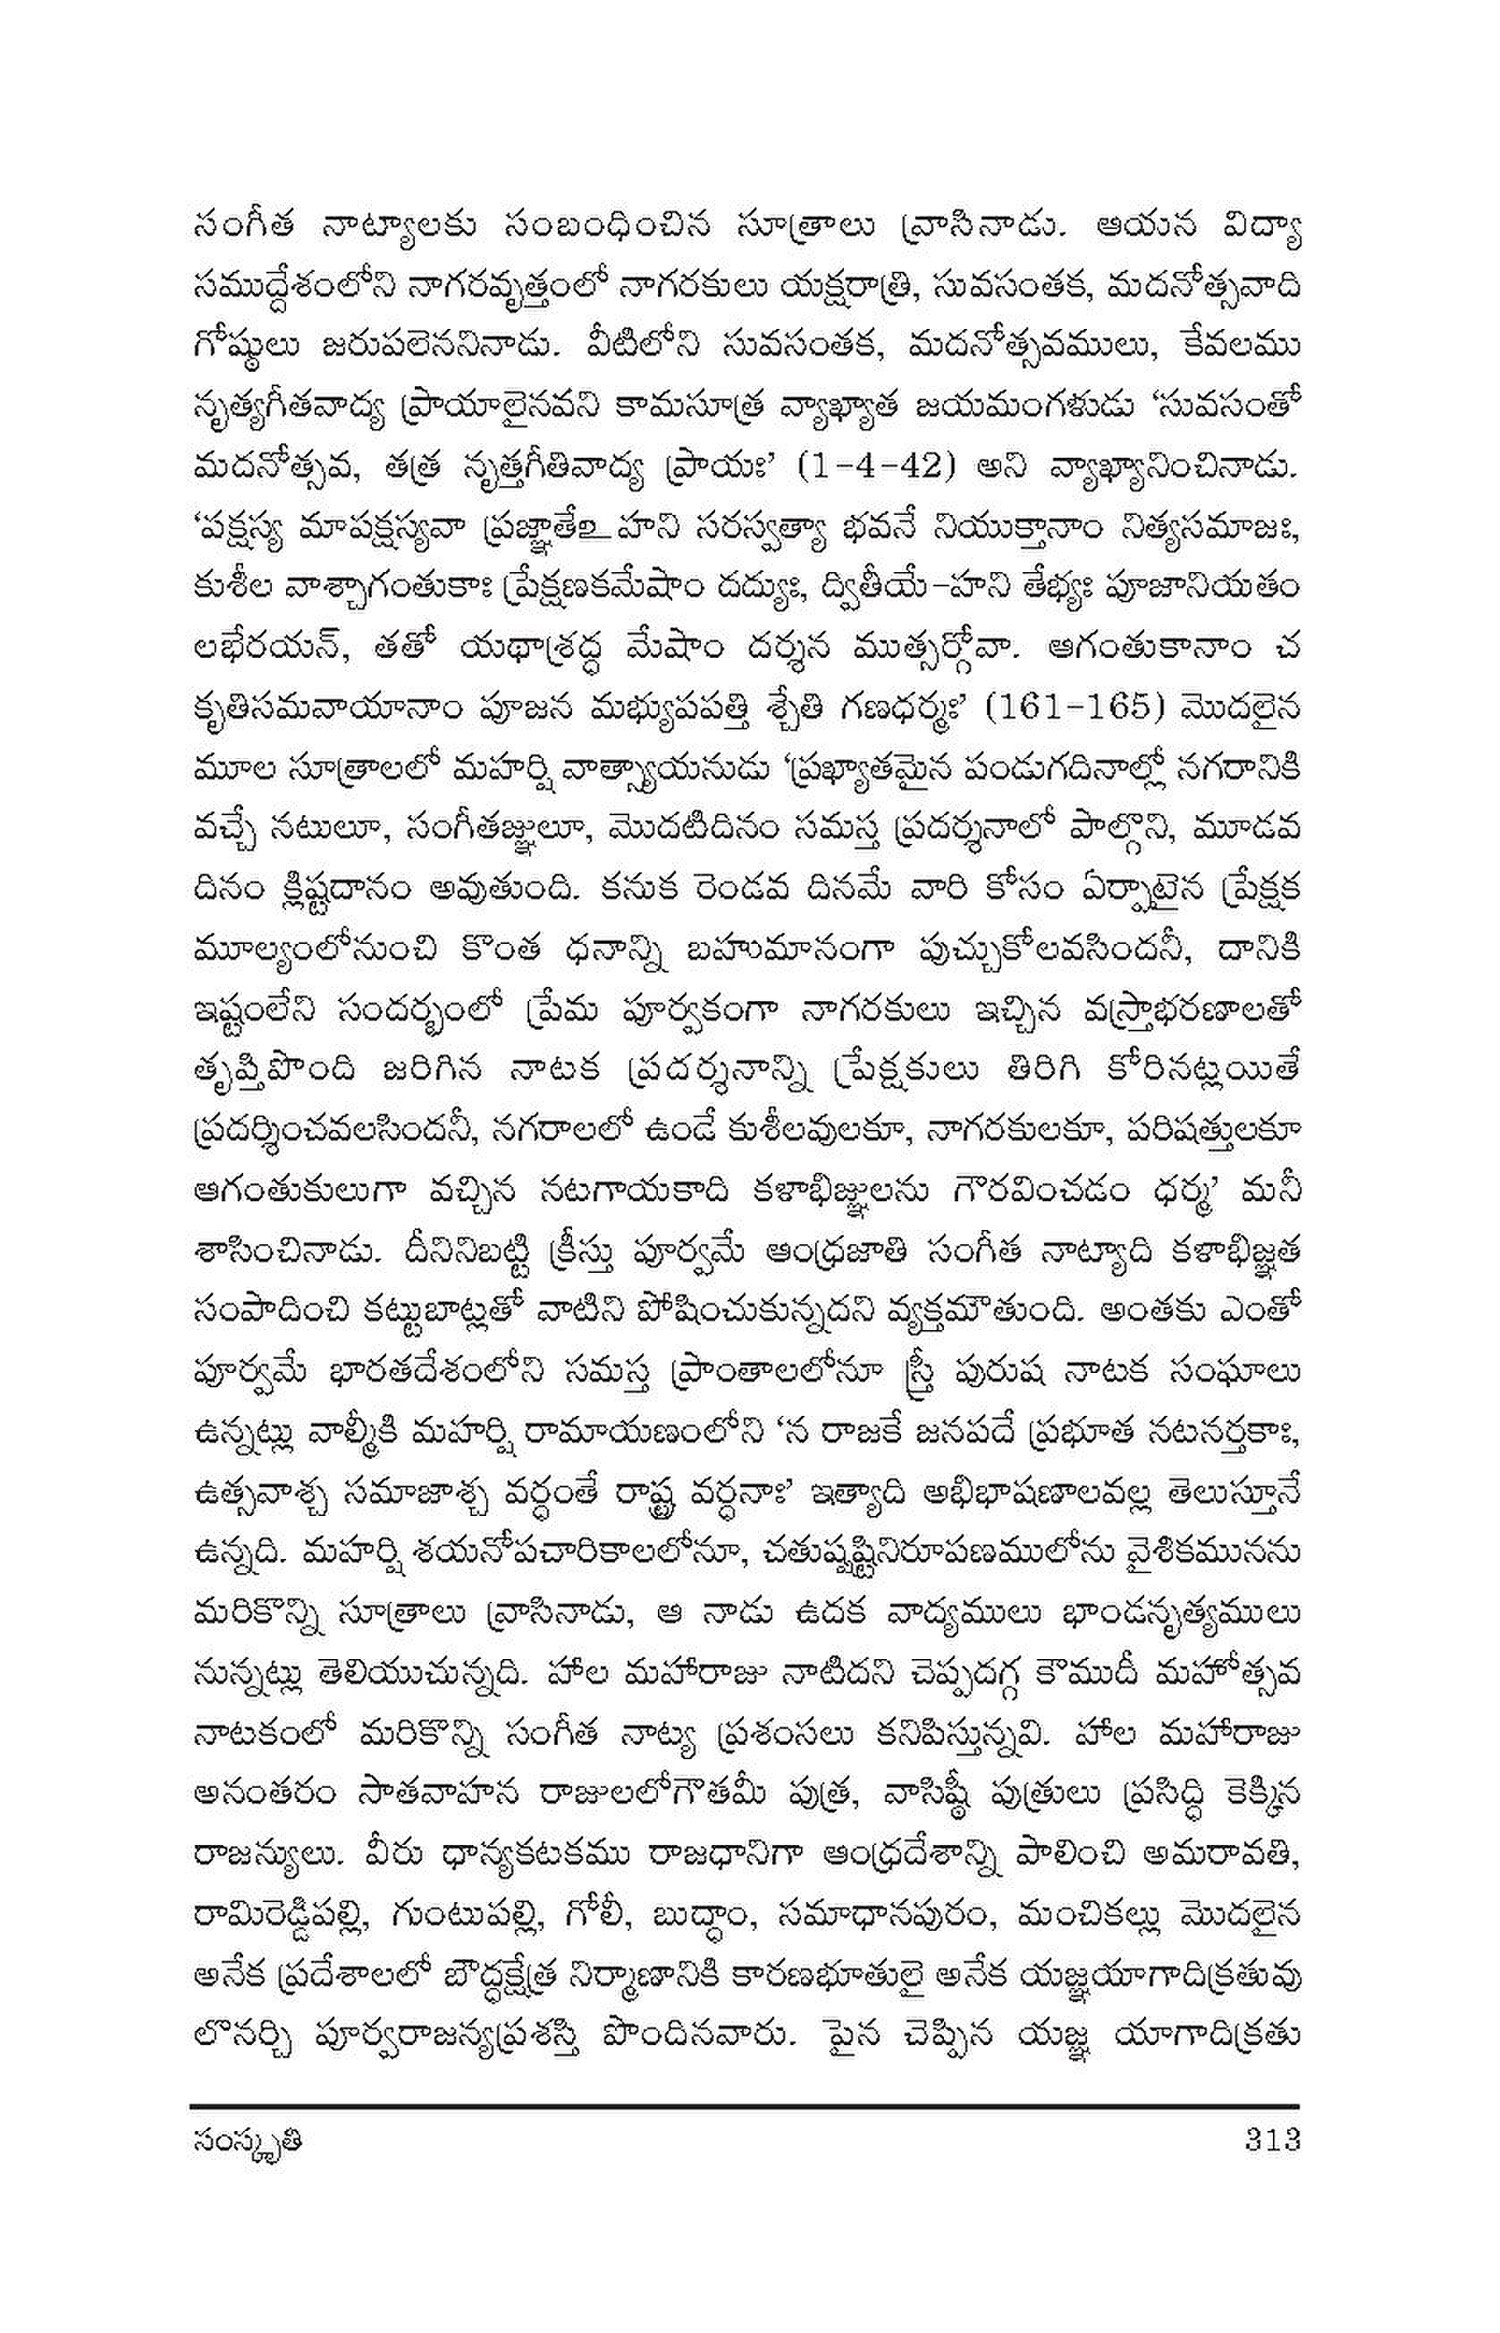సంగీత నాట్యాలకు సంబంధించిన సూత్రాలు వ్రాసినాడు. ఆయన విద్యా సముద్దేశంలోని నాగరవృత్తంలో నాగరకులు యక్షరాత్రి, సువసంతక, మదనోత్సవాది గోష్ఠులు జరుపలెననినాడు. వీటిలోని సువసంతక, మదనోత్సవములు, కేవలము నృత్యగీతవాద్య ప్రాయాలైనవని కామసూత్ర వ్యాఖ్యాత జయమంగళుడు 'సువసంతో మదనోత్సవ, తత్ర నృత్తగీతివాద్య ప్రాయః' (1-4-42) అని వ్యాఖ్యానించినాడు. 'పక్షస్య మాపక్షస్యవా ప్రజ్ఞాతే హని సరస్వత్యా భవనే నియుక్తానాం నిత్యసమాజః, కుశీల వాశ్చాగంతుకాః ప్రేక్షణకమేషాం దద్యుః, ద్వితీయే-హని తేభ్యః పూజానియతం లభేరయన్, తతో యథాశ్రద్ధ మేషాం దర్శన ముత్సర్గోవా. ఆగంతుకానాం చ
కృతిసమవాయానాం పూజన మభ్యుపపత్తి శ్చేతి గణధర్మః' (161-165) మొదలైన మూల సూత్రాలలో మహర్షి వాత్స్యాయనుడు 'ప్రఖ్యాతమైన పండుగదినాల్లో నగరానికి వచ్చే నటులూ, సంగీతజ్ఞులూ, మొదటిదినం సమస్త ప్రదర్శనాలో పాల్గొని, మూడవ దినం క్లిష్టదానం అవుతుంది. కనుక రెండవ దినమే వారి కోసం ఏర్పాటైన ప్రేక్షక మూల్యంలోనుంచి కొంత ధనాన్ని బహుమానంగా పుచ్చుకోలవసిందనీ, దానికి ఇష్టంలేని సందర్భంలో ప్రేమ పూర్వకంగా నాగరకులు ఇచ్చిన వస్త్రాభరణాలతో తృప్తిపొంది జరిగిన నాటక ప్రదర్శనాన్ని ప్రేక్షకులు తిరిగి కోరినట్లయితే ప్రదర్శించవలసిందనీ, నగరాలలో ఉండే కుశీలవులకూ, నాగరకులకూ, పరిషత్తులకూ
ఆగంతుకులుగా వచ్చిన నటగాయకాది కళాభిజ్ఞులను గౌరవించడం ధర్మ' మనీ శాసించినాడు. దీనినిబట్టి క్రీస్తు పూర్వమే ఆంధ్రజాతి సంగీత నాట్యాది కళాభిజ్ఞత
సంపాదించి కట్టుబాట్లతో వాటిని పోషించుకున్నదని వ్యక్తమౌతుంది. అంతకు ఎంతో పూర్వమే భారతదేశంలోని సమస్త ప్రాంతాలలోనూ స్త్రీ పురుష నాటక సంఘాలు ఉన్నట్లు వాల్మీకి మహర్షి రామాయణంలోని 'న రాజకే జనపదే ప్రభూత నటనర్తకాః, ఉత్సవాశ్చ సమాజాశ్చ వర్ధంతే రాష్ట్ర వర్ధనాః' ఇత్యాది అభిభాషణాలవల్ల తెలుస్తూనే ఉన్నది. మహర్షి శయనోపచారికాలలోనూ, చతుష్షష్టినిరూపణములోను వైశికమునను
మరికొన్ని సూత్రాలు వ్రాసినాడు, ఆ నాడు ఉదక వాద్యములు భాండనృత్యములు నున్నట్లు తెలియుచున్నది. హాల మహారాజు నాటిదని చెప్పదగ్గ కౌముదీ మహోత్సవ నాటకంలో మరికొన్ని సంగీత నాట్య ప్రశంసలు కనిపిస్తున్నవి. హాల మహారాజు
అనంతరం సాతవాహన రాజులలో గౌతమీ పుత్ర, వాసిష్ఠీ పుత్రులు ప్రసిద్ధి కెక్కిన రాజన్యులు. వీరు ధాన్యకటకము రాజధానిగా ఆంధ్రదేశాన్ని పాలించి అమరావతి,
రామిరెడ్డిపల్లి, గుంటుపల్లి, గోలీ, బుద్దాం, సమాధానపురం, మంచికల్లు మొదలైన అనేక ప్రదేశాలలో బౌద్ధక్షేత్ర నిర్మాణానికి కారణభూతులై అనేక యజ్ఞయాగాదిక్రతువు లొనర్చి పూర్వరాజన్యప్రశస్తి పొందినవారు. పైన చెప్పిన యజ్ఞ యాగాది క్రతు